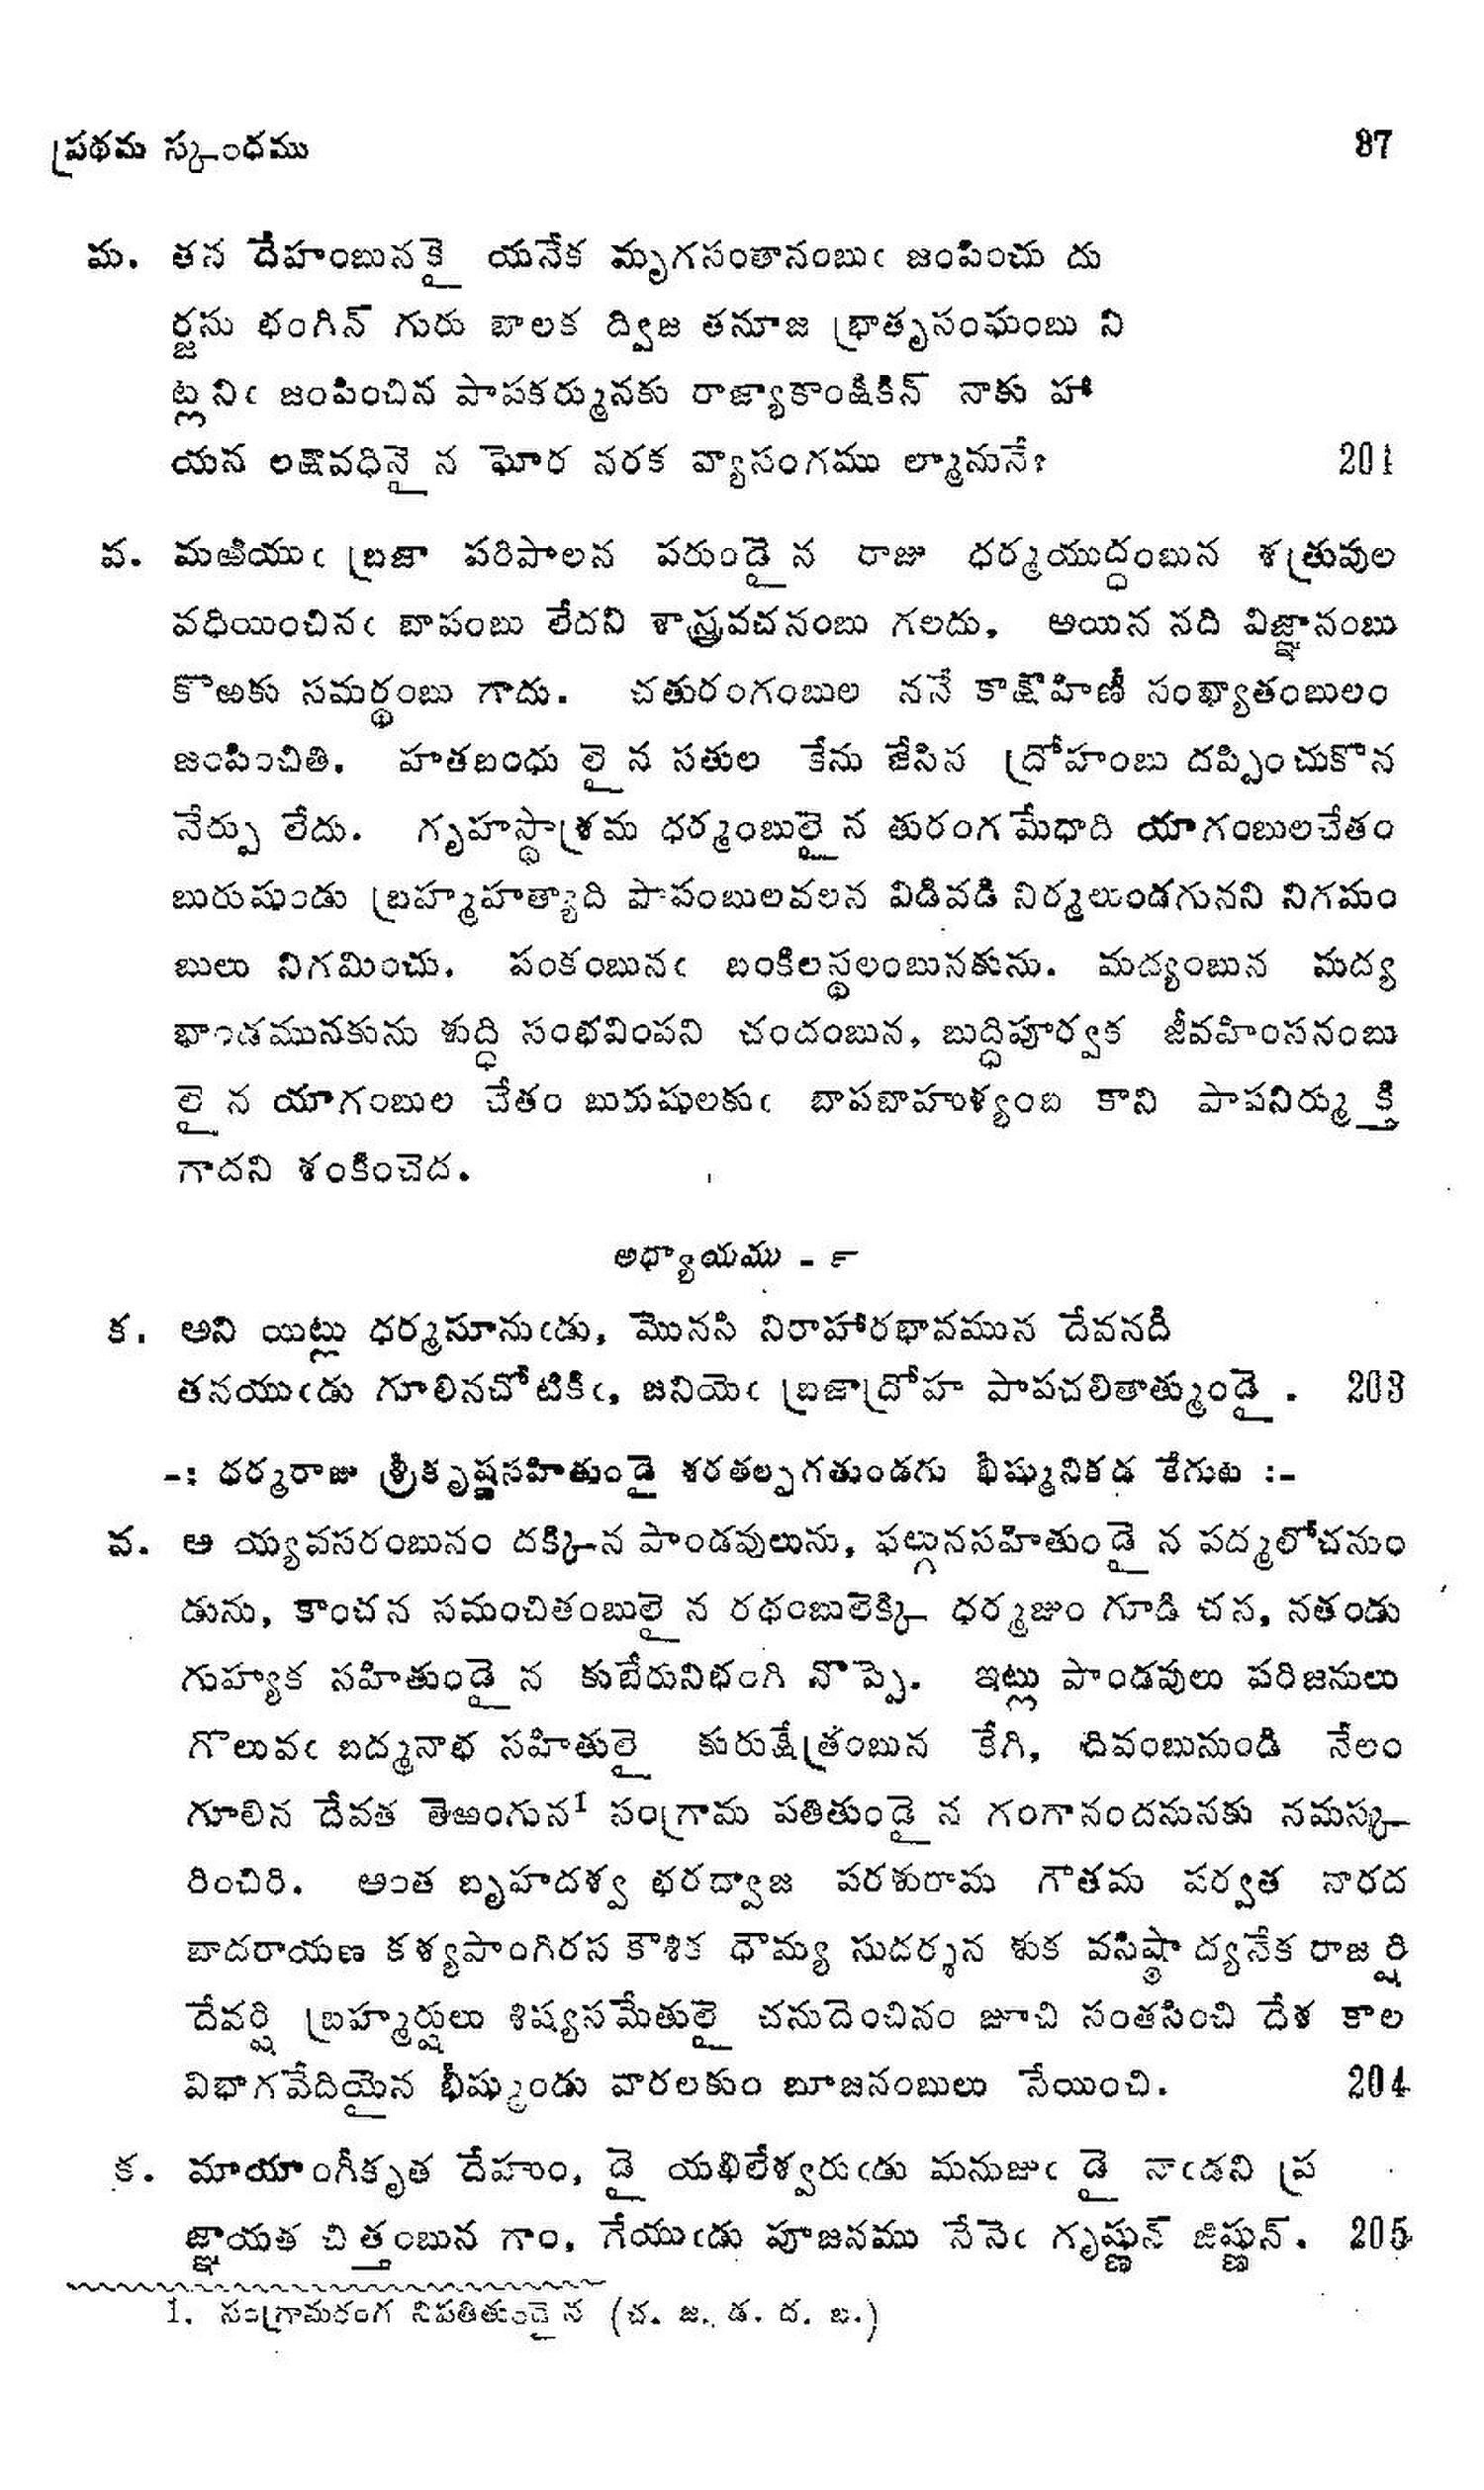37

మ. తన దేహంబునకై యనేక మృగ సంతానంబుఁ జంపించు దు

ర్జను భంగిన్ గురు బాలక ద్విజ తనూజ భ్రాతృసంఘంబు ని

ట్లనిఁ జంపించిన పాపకర్మునకు రాజ్యాకాంక్షికిన్ నాకు హా

యన లక్షావధికైన ఘోర నరక వ్యాసంగముల్ మానునే ? (1-201)

వ. మఱియుఁ బ్రజాపరిపాలనపరుండైన రాజు ధర్మయుద్ధంబున శత్రువులఁ జంపించినఁ బాపంబు లేదని శాస్త్రవచనంబు కలదు. అయిన నిది విజ్ఞానంబు కొఱకు సమర్థంబు గాదు. చతురంగంబుల ననేకాక్షౌహిణీ సంఖ్యాతంబులం జంపించితి. హతబంధులైన సతుల కేను జేసిన ద్రోహంబు దప్పించుకొన నేర్పు లేదు. గృహస్థాశ్రమ ధర్మంబులైన తురంగమేధాది యాగంబుల చేతం బురుషుండు బ్రహ్మహత్యాది పాపంబుల వలన విడివడి నిర్మలుండగునని నిగమంబులు నిగమించు. పంకంబునఁ బంకిల స్థలంబునకును, మద్యంబున మద్యభాండమునకును శుద్ధి సంభవింపని చందంబున బుద్ధిపూర్వక జీవహింసనంబులైన యాగంబులచేతం బురుషులకుఁ బాప బాహుళ్యంబ కాని పాప నిర్ముక్తి లేదని శంకించెద. (1-202)
 

కం. అని యిట్లు ధర్మసూనుఁడు, మొనసి నిరాహార భావమున దేవనదీ

తనయుఁడు కూలిన చోటికిఁ, జనియెఁ బ్రజాద్రోహ పాప చలితాత్ముండై. (1-203)

వ. అయ్యవసరమునం దక్కిన పాండవులును, ఫల్గున సహితుండైన పద్మలోచనుండును గాంచన సమంచితంబులైన రథంబులెక్కి ధర్మజుం గూడి చన నతండు గుహ్యక సహితుండైన కుబేరుని భంగి నొప్పె. ఇట్లు పాండవులు పరిజనులు కొలువఁ బద్మనాభ సహితులై కురుక్షేత్రమున కేఁగి దివంబు నుండి నేలం గూలిన దేవత తెఱంగున సంగ్రామ పతితుండైన గంగానందనునకు నమస్కరించిరి. అంత బృహదశ్వ భరద్వాజ పరశురామ గౌతమ పర్వత నారద బాదరాయణ కశ్యపాంగిరస కౌశిక ధౌమ్య సుదర్శన శుక వశిష్ఠాద్యనేక రాజర్షి దేవర్షి బ్రహ్మర్షులు శిష్యసమేతులై చనుదెంచినం జూచి సంతసించి దేశకాలవిభాగవేది యైన భీష్ముండు వారలకుం బూజనంబులు సేయించి, (1-204)

కం. మాయాంగీకృత దేహుం,డై యఖిలేశ్వరుఁడు మనుజుఁ డైనాడని ప్ర

జ్ఞాయుత చిత్తంబున గాం,గేయుఁడు పూజనము సేసెఁ గృష్ణున్ జిష్ణున్. (1-205)